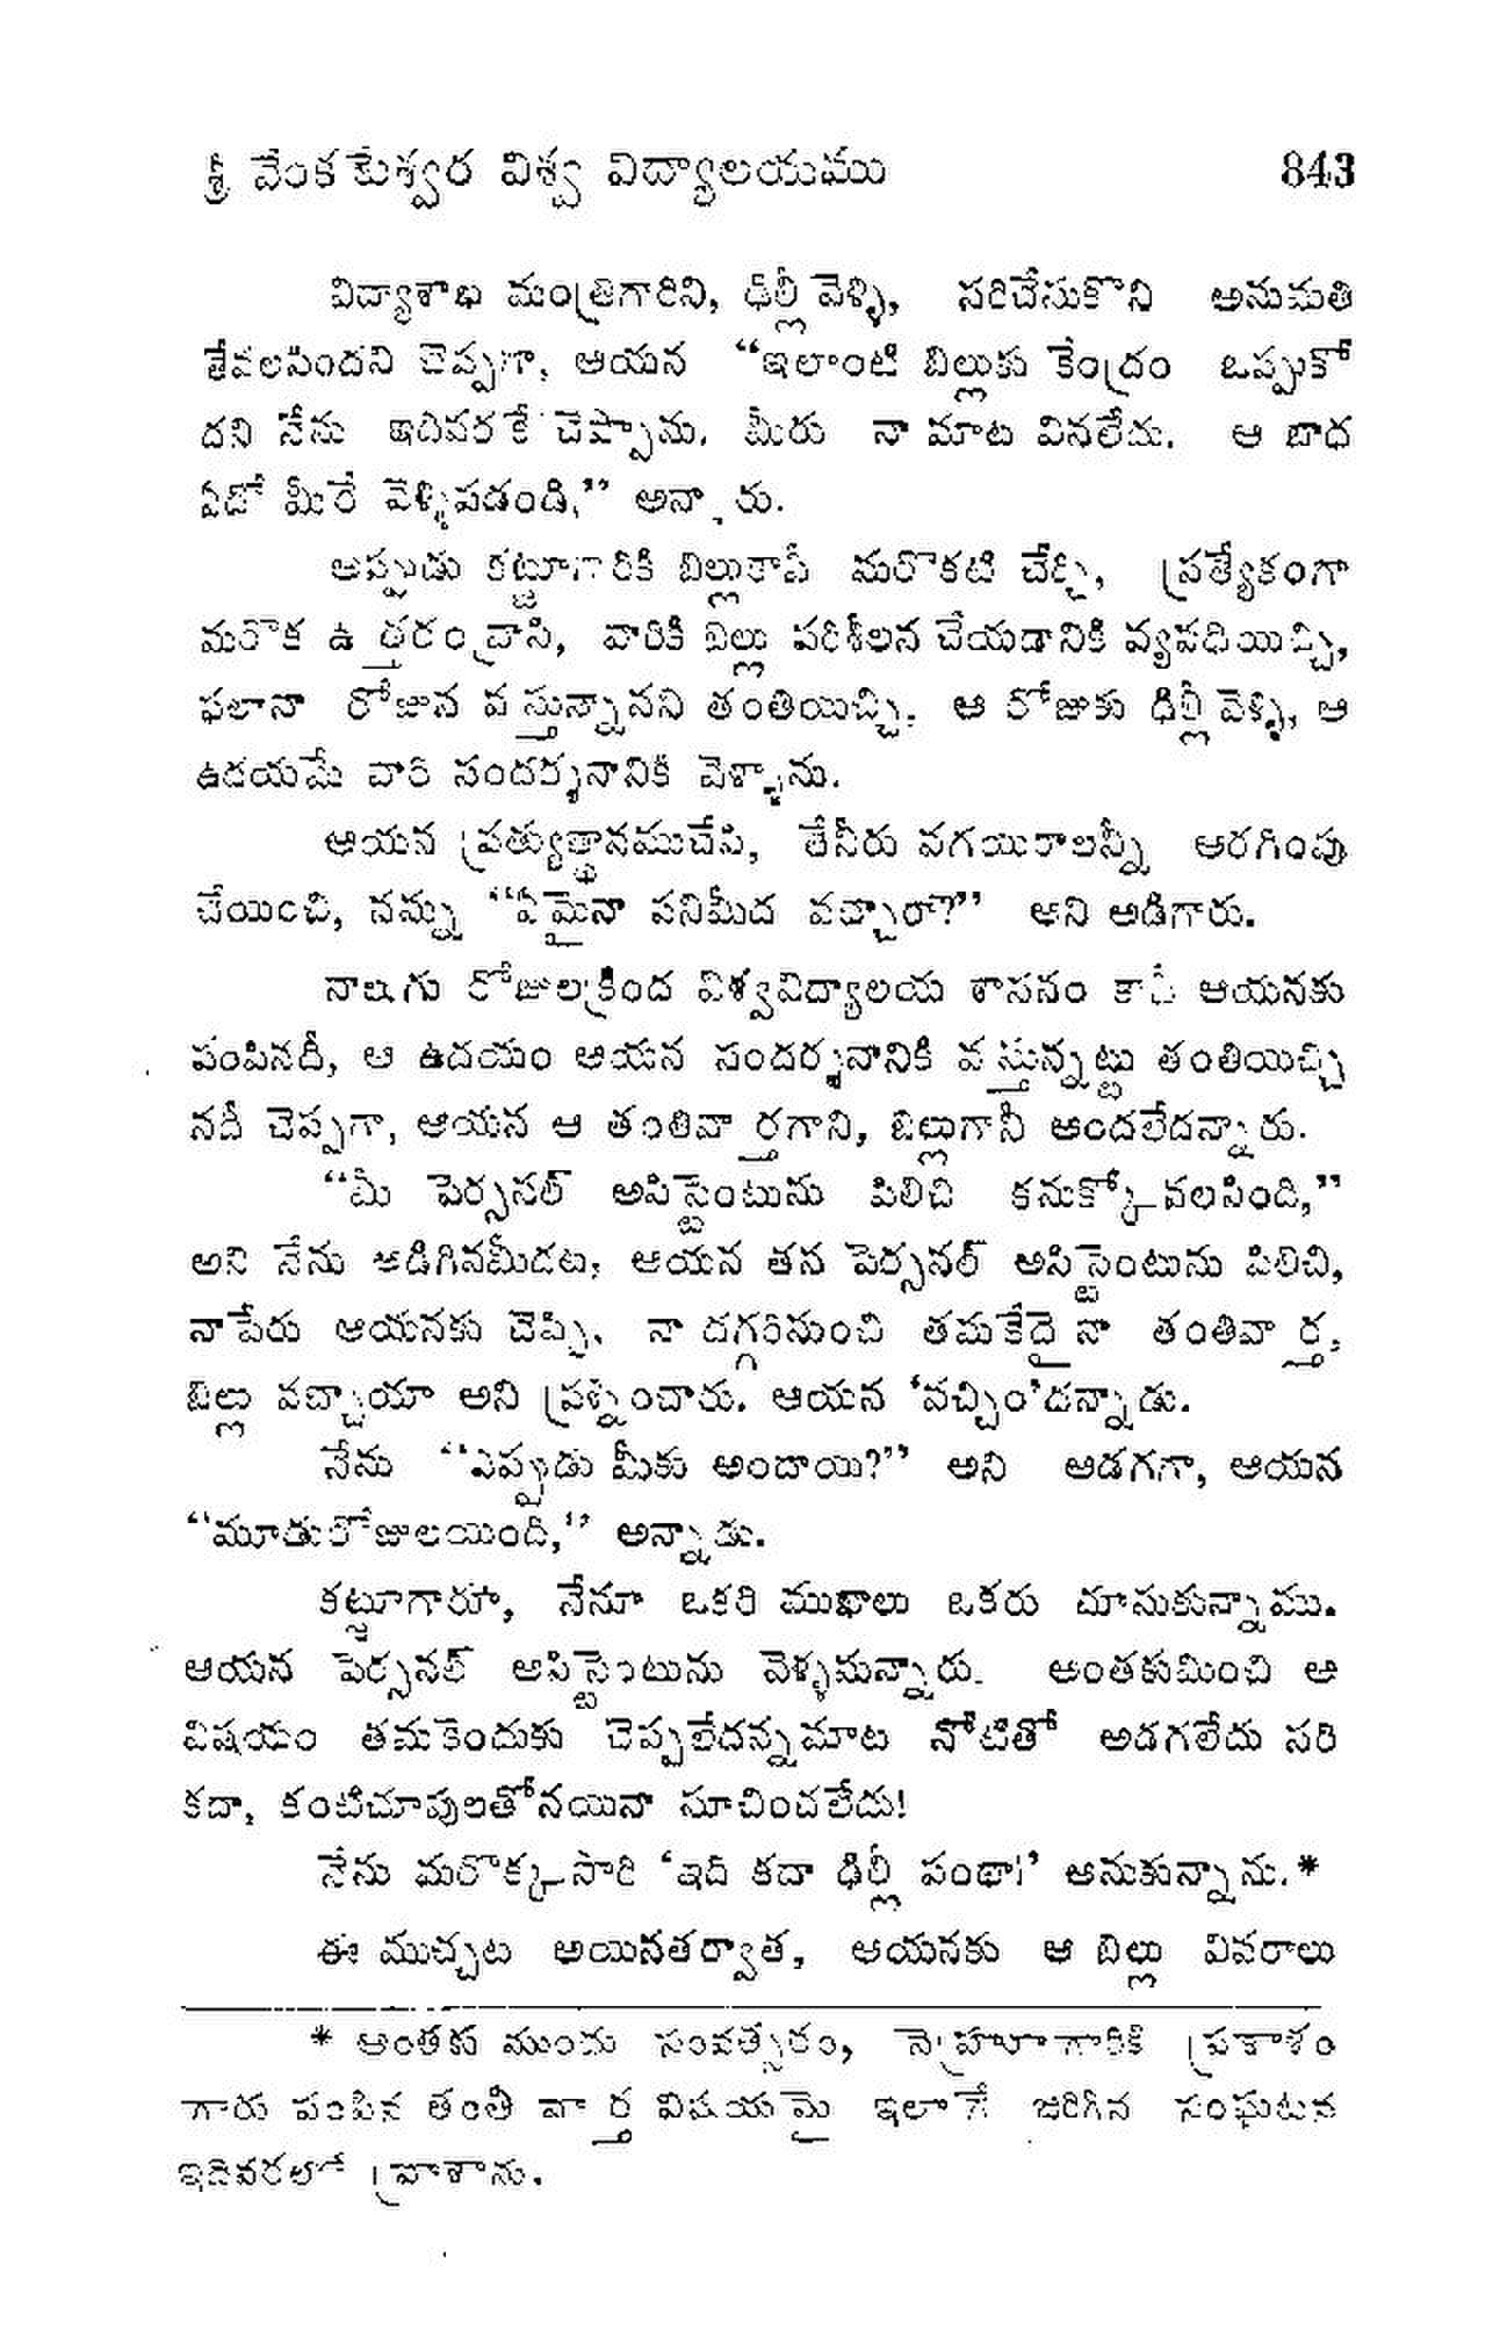విద్యాశాఖ మంత్రిగారిని, ఢిల్లీవెళ్ళి, సరిచేసుకొని అనుమతి తేవలసిందని చెప్పగా, ఆయన "ఇలాంటి బిల్లుకు కేంద్రం ఒప్పుకోదని నేను ఇదివరకే చెప్పాను. మీరు నా మాట వినలేదు. ఆ బాధ ఏదో మీరే వెళ్ళిపడండి," అన్నారు.

అప్పుడు కట్జూగారికి బిల్లుకాపీ మరొకటి చేర్చి, ప్రత్యేకంగా మరొక ఉత్తరంవ్రాసి, వారికి బిల్లు పరిశీలన చేయడానికి వ్యవధియిచ్చి, పలానా రోజున వస్తున్నానని తంతియిచ్చి, అ రోజుకు ఢిల్లీ వెళ్ళి, అ ఉదయమే వారి సందర్శనానికి వెళ్ళాను.

ఆయన ప్రత్యుత్థానముచేసి, తేనీరు వగయిరాలన్నీ ఆరగింపు చేయించి, నన్ను "ఏమైనా పనిమీద వచ్చారా?" అని అడిగారు.

నాలుగురోజులక్రింద విశ్వవిద్యాలయ శాసనం కాపీ ఆయనకు పంపినదీ, ఆ ఉదయం ఆయన సందర్శనానికి వస్తున్నట్టు తంతియిచ్చినదీ చెప్పగా, ఆయన ఆ తంతివార్తగాని, బిల్లుగానీ అందలేదన్నారు.

"మీ పెర్సనల్ అసిస్టెంటును పిలిచి కనుక్కోవలసింది," అని నేను అడిగినమీదట, ఆయన తన పెర్సనల్ అసిస్టెంటును పిలిచి, నాపేరు ఆయనకు చెప్పి, నా దగ్గరినుంచి తమకేదైనా తంతివార్త, బిల్లు వచ్చాయా అని ప్రశ్నించారు. ఆయన 'వచ్చిం'దన్నాడు.

నేను "ఎప్పుడు మీకు అందాయి?" అని అడగగా, ఆయన "మూడురోజులయింది," అన్నాడు.

కట్జూగారూ, నేనూ ఒకరి ముఖాలు ఒకరు చూసుకున్నాము. ఆయన పెర్సనల్ అసిస్టెంటును వెళ్ళమన్నారు. అంతకుమించి ఆ విషయం తమకెందుకు చెప్పలేదన్నమాట నోటితో అడగలేదు సరికదా, కంటిచూపులతోనయినా సూచించలేదు!

నేను మరొక్కసారి 'ఇది కదా డిల్లీ పంథా!' అనుకున్నాను.

ఈ ముచ్చట అయినతర్వాత, ఆయనకు ఆ బిల్లు వివరాలు